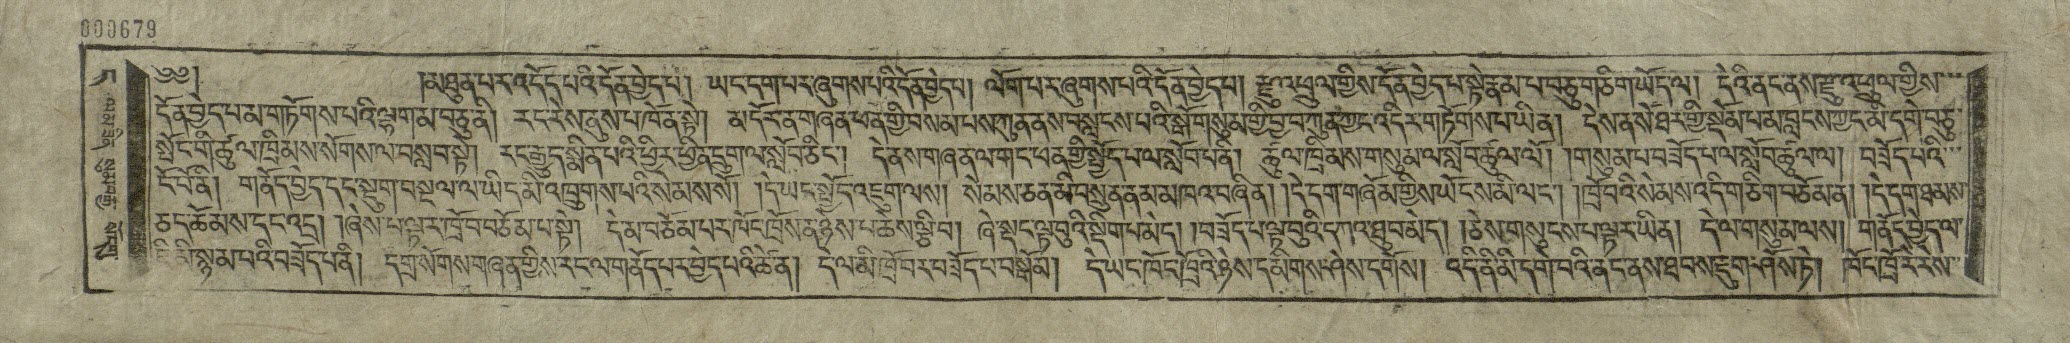༄༅། །མཐུན་པར་འདོད་པའི་དོན་བྱེད་པ། ཡང་དག་པར་ཞུགས་པའི་དོན་བྱེད་པ། ལོག་པར་ཞུགས་པའི་དོན་བྱེད་པ། རྫུ་འཕྲུལ་གྱིས་དོན་བྱེད་པ་སྟེ་རྣམ་པ་བཅུ་གཅིག་ཡོད་ལ། དེའི་ནང་ནས་རྫུ་འཕྲུལ་གྱིས་
དོན་བྱེད་པ་མ་གཏོགས་པའི་ལྷག་མ་བཅུ་ནི། རང་རེས་ནུས་པ་ཁོ་ན་སྟེ། མདོར་ན་གཞན་ཕན་གྱི་བསམ་པས་ཀུན་ནས་བསླངས་པའི་སྒོ་གསུམ་གྱི་བྱ་བ་ཀུན་ཀྱང་འདིར་གཏོགས་པ་ཡིན། དེས་ན་སོ་ཐར་གྱི་སྡོམ་པ་མ་བླངས་ཀྱང་མི་དགེ་བཅུ་
སྤོང་གི་ཚུལ་ཁྲིམས་སོགས་ལ་བསླབ་སྟེ། རང་རྒྱུད་སྨིན་པའི་ཕྱིར་ཕྱིན་དྲུག་ལ་སློབ་ཅིང་། དེ་ནས་གཞན་ལ་གང་ཕན་གྱི་སྤྱོད་པ་ལ་སློབ་པ་ནི། ཚུལ་ཁྲིམས་གསུམ་ལ་སློབ་ཚུལ་ལོ། །གསུམ་པ་བཟོད་པ་ལ་སློབ་ཚུལ་ལ། བཟོད་པའི་
ངོ་བོ་ནི། གནོད་བྱེད་དང་སྡུག་བསྔལ་ལ་ཡིད་མི་འཁྲུགས་པའི་སེམས་སོ། །དེ་ཡང་སྤྱོད་འཇུག་ལས། སེམས་ཅན་མི་བསྲུན་ནམ་མཁའ་བཞིན། །དེ་དག་གཞོམ་གྱིས་ཡོངས་མི་ལང་། །ཁྲོ་བའི་སེམས་འདི་གཅིག་བཅོམ་ན། །དེ་དག་ཐམས་
ཅད་ཆོམས་དང་འདྲ། །ཞེས་པ་ལྟར་ཁྲོ་བ་བཅོམ་པ་སྟེ། དེ་མ་བཅོམ་པར་ཁོང་ཁྲོས་ན་ཉེས་པ་ཆེས་ལྕི་བ། ཞེ་སྡང་ལྟ་བུའི་སྡིག་པ་མེད། །བཟོད་པ་ལྟ་བུའི་དཀའ་ཐུབ་མེད། །ཅེས་གསུངས་པ་ལྟར་ཡིན། དེ་ལ་གསུམ་ལས། གནོད་བྱེད་ལ་
ཇི་མི་སྙམ་པའི་བཟོད་པ་ནི། དགྲ་སོགས་གཞན་གྱིས་རང་ལ་གནོད་པར་བྱེད་པའི་ཚེ་ན། དེ་ལ་མི་ཁྲོ་བར་བཟོད་པ་བསྒོམ། དེ་ཡང་ཁོང་ཁྲོའི་ཉེས་དམིགས་ཤེས་དགོས། འདི་ནི་མི་དགེ་བའི་ནང་ནས་ཐབས་རྡུག་ཤོས་ཏེ། ཁོང་ཁྲོ་རེ་རེས་